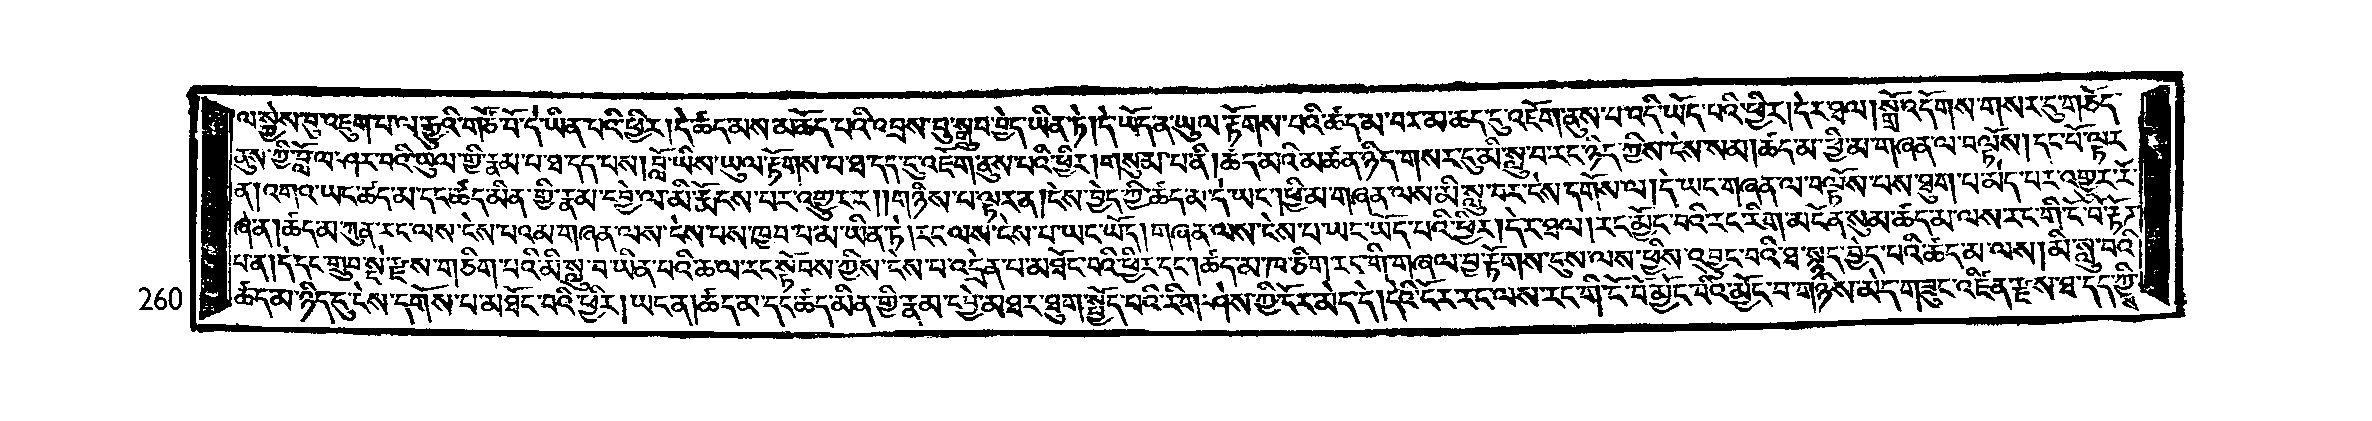ལ་སྐྱེས་བུ་འཇུག་པ་ལ་རྒྱུའི་གཙོ་བོ་དེ་ཡིན་པའི་ཕྱིར། དེ་ཚད་མས་མ་ཆོད་པའི་འབྲས་བུ་སྒྲུབ་བྱེད་ཡིན་ཏེ། དེ་ཡོད་ན་ཡུལ་རྟོགས་པའི་ཚད་མ་བར་མ་ཆད་དུ་འཇོག་ནུས་པ་འདི་ཡོད་པའི་ཕྱིར། དེར་ཐལ། སྒྲོ་འདོགས་གསར་དུ་གཅོད་
ནུས་ཀྱི་བློ་ལ་ཤར་བའི་ཡུལ་གྱི་རྣམ་པ་ཐ་དད་པས། བློ་ཡིས་ཡུལ་རྟོགས་པ་ཐ་དད་དུ་འཇོག་ནུས་པའི་ཕྱིར། གསུམ་པ་ནི། ཚད་མའི་མཚན་ཉིད་གསར་དུ་མི་སླུ་བ་རང་ཉིད་ཀྱིས་ངེས་སམ། ཚད་མ་ཕྱི་མ་གཞན་ལ་བལྟོས། དང་པོ་ལྟར་
ན། འགའ་ཡང་ཚད་མ་དང་ཚད་མིན་གྱི་རྣམ་དབྱེ་ལ་མི་རྨོངས་པར་འགྱུར་རོ། །གཉིས་པ་ལྟར་ན། ངེས་བྱེད་ཀྱི་ཚད་མ་དེ་ཡང་། ཕྱི་མ་གཞན་ལས་མི་སླུ་བར་ངེས་དགོས་ལ། དེ་ཡང་གཞན་ལ་བལྟོས་པས་ཐུག་པ་མེད་པར་འགྱུར་རོ་
ཞེ་ན། ཚད་མ་ཀུན་རང་ལས་ངེས་པའམ་གཞན་ལས་ངེས་པས་ཁྱབ་པ་མ་ཡིན་ཏེ། རང་ལས་ངེས་པ་ཡང་ཡོད། གཞན་ལས་ངེས་པ་ཡང་ཡོད་པའི་ཕྱིར། དེར་ཐལ། རང་མྱོང་བའི་རང་རིག་མངོན་སུམ་ཚད་མ་ལས་རང་གི་ངོ་བོ་རྟོགས་
པ་ན། དེ་དང་གྲུབ་སྡེ་རྫས་གཅིག་པའི་མི་སླུ་བ་ཡིན་པའི་ཆ་ལ་རང་སྟོབས་ཀྱིས་ངེས་པ་འདྲེན་པ་མཐོང་བའི་ཕྱིར་དང་། ཚད་མ་ཁ་ཅིག་རང་གི་གཞལ་བྱ་རྟོགས་དུས་ལས་ཕྱིས་འབྱུང་བའི་ཐ་སྙད་བྱེད་པའི་ཚད་མ་ལས། མི་སླུ་བའི་
ཚད་མ་ཉིད་དུ་ངེས་དགེས་པ་མཐོང་བའི་ཕྱིར། ཡང་ན། ཚད་མ་དང་ཚད་མིན་གྱི་རྣམ་དབྱེ་མཐར་ཐུག་སྤྱོད་པའི་རིག་ཤེས་ཀྱི་ངོར་མེད་དེ། དེའི་ངོར་རང་ལས་རང་གི་ངོ་བོ་མྱོང་བའི་མྱོང་བ་གཉིས་མེད་གཟུང་འཛིན་རྫས་ཐ་དད་ཀྱིས་